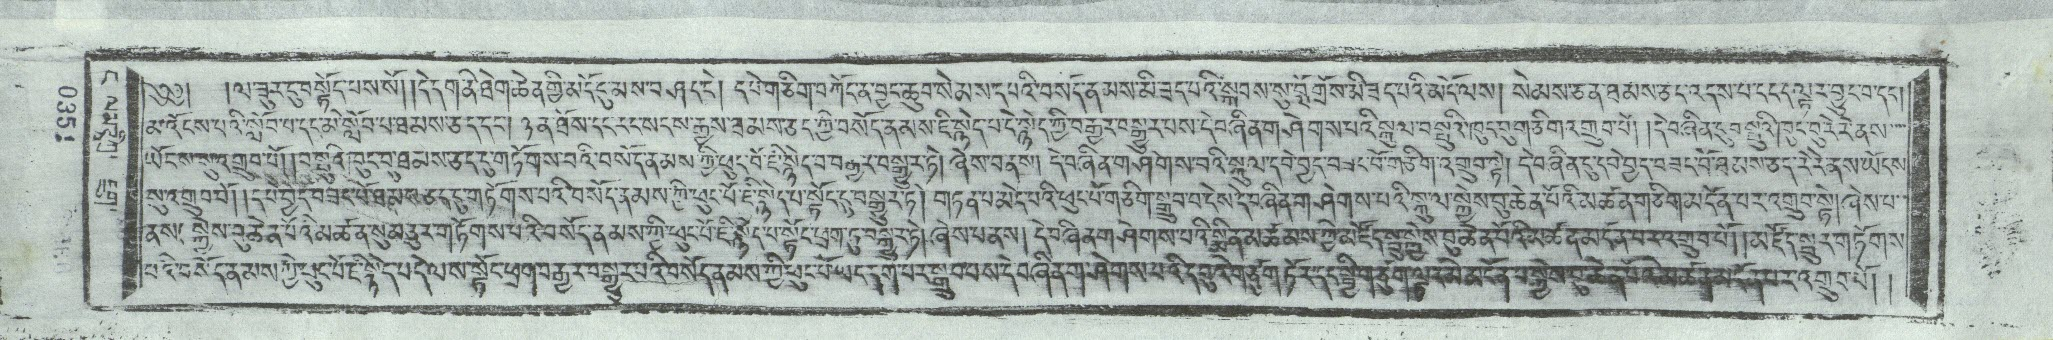]༄༅། །ལ་ཟུར་དུ་བསྟོད་པས་སོ། །དེ་དག་ནི་ཐེག་ཆེན་གྱི་མདོ་དུ་མས་བཤད་དེ། དཔེ་གཅིག་བཀོད་ན་བྱང་ཆུབ་སེམས་དཔའི་བསོད་ནམས་མི་ཟད་པའི་སྐབས་སུ་བློ་གྲོས་མི་ཟད་པའི་མདོ་ལས། སེམས་ཅན་ཐམས་ཅད་འདས་པ་དང་ལྟར་བྱུང་བ་དང་།]
མ་འོངས་པའི་སློབ་པ་དང་མེ་སློབ་པ་ཐམས་ཅད་དང་། ཉན་ཐོས་དང་རང་སངས་རྒྱས་ཐམས་ཅད་ཀྱི་བསོད་ནམས་ཇི་སྙེད་པ་དེ་སྙེད་ཀྱི་བརྒྱར་བསྒྱུར་པས་དེ་བཞིན་གཤེགས་པའི་སྐུ་ལ་བསྤུའི་ཁུད་བུ་གཅིག་འགྲུབ་པོ། །དེ་བཞིན་དུ་བསྤུའི་བུ་རེ་རེ་ནས་
ཡོངས་སུ་འགྲུབ་པོ། །བ་སྤུའི་ཁུང་བུ་ཐམས་ཅད་དུ་གཏོགས་བའི་བསོད་ནམས་ཀྱི་ཕུང་བོ་ཇི་སྙེད་བ་བརྒྱར་བསྒྱུར་ཏེ། ཞེས་བ་ནས། དེ་བཞིན་གཤེགས་བའི་སྐུལ་དབེ་བྱད་བཟང་པོ་གཅིག་འགྲུབ་སྟེ། དེ་བཞིན་དུ་དབེ་བྱད་བཟང་པོ་ཐམས་ཅད་རེ་རེ་ནས་ཡོངས་
སུ་འགྲུབ་བོ། །དཔེ་བྱད་བཟང་པོ་ཐམས་ཅད་དུ་གཏོགས་པའི་བསོད་ནམས་ཀྱི་ཕུང་པོ་ཇི་སྙེད་པ་སྟོང་དུ་བསྒྱུར་ཏེ། གཏན་པ་མེད་པའི་ཕུང་པོ་གཅིག་སྒྲུབ་པ་དེས་དེ་བཞིན་གཤེགས་པའི་སྐུ་ལ་སྐྱེས་བུ་ཆེན་པོའི་མཚན་གཅིག་མངོན་པར་འགྲུབ་སྟེ། ཞེས་པ་
ནས༑ སྐྱེས་བུ་ཆེན་པོའི་མཚན་སུམ་ཅུར་གཏོགས་པའི་བསོད་ནམས་ཀྱི་ཕུང་པོ་ཇི་སྙེད་པ་སྟོང་ཕྲག་ཏུ་བསྒྱུར་ཏེ། ཞེས་པ་ནས། དེ་བཞིན་གཤེགས་པའི་སྨིན་མཚམས་ཀྱི་མཛོད་སྤུ་སྐྱེས་བུ་ཆེན་པོའི་མཚན་མངོན་པར་འགྲུབ་པོ། །མཛོད་སྦུར་གཏོགས་
པའི་བསོད་ནམས་ཀྱི་ཕུང་པོ་ཇི་སྙེད་པ་དེ་ལས་སྟོང་ཕྲག་བརྒྱར་བསྒྱུར་པའི་བསོད་ནམས་ཀྱི་ཕུང་པོ་ཡང་དག་པར་སྒྲུབ་བས་དེ་བཞིན་གཤེགས་པའི་དབུའི་གཙུག་ཏོར་དང་སྦྱི་གཙུག་ལྟར་མི་མངོན་པ་སྐྱེས་བུ་ཆེན་པོའི་མཚན་མངོན་པར་འགྲུབ་པོ། །